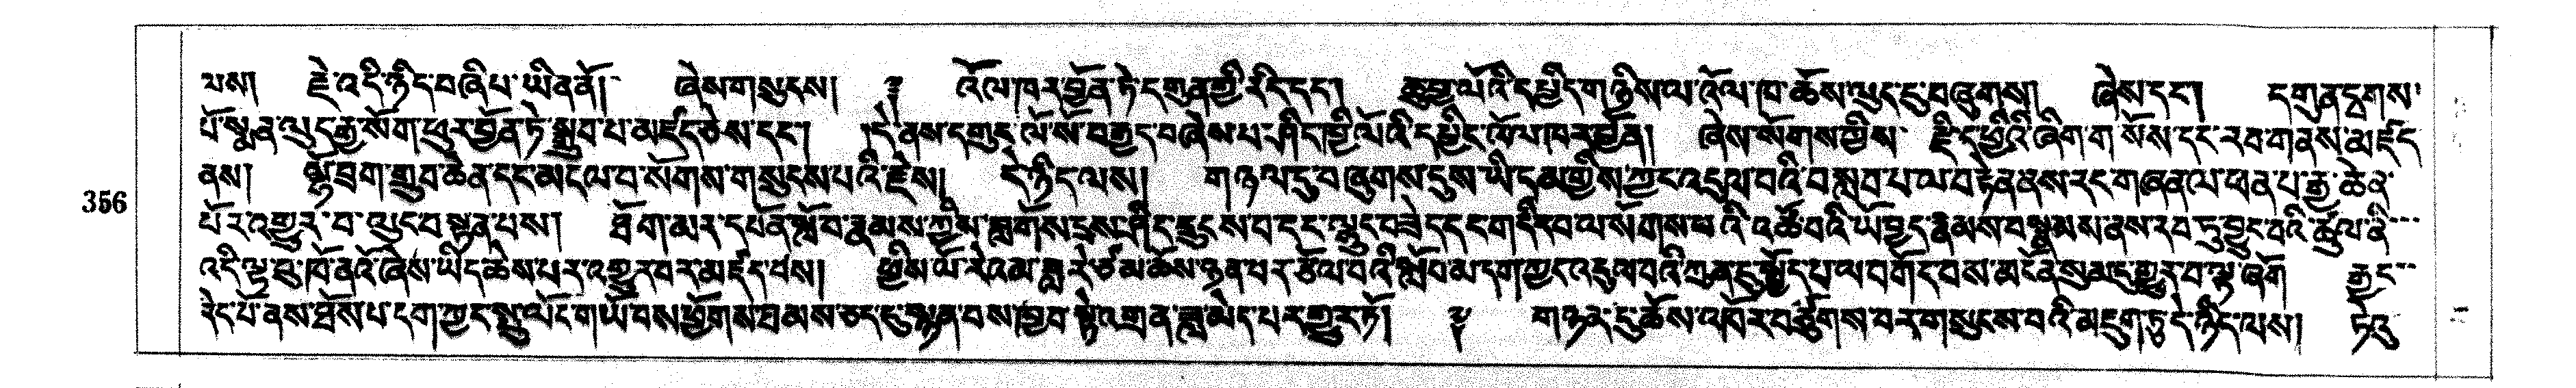ལས། རྗེ་འདི་ཉིད་བཞི་པ་ཡིན་ནོ། ཞེས་གསུངས། ༈ འོལ་ཁར་བྱོན་ཏེ་དགུན་གྱི་རིང་དང་། ཆུ་བྱ་ལོའི་དཔྱིད་གཉིས་ལ་འོལ་ཁ་ཆོས་ལུང་དུ་བཞུགས། ཞེས་དང་། དགུན་དྭགས་
པོ་སྨན་ལུང་རྒྱ་སོགས་ཕུར་བྱོན་ཏེ་སྒྲུབ་པ་མཛད་ཅེས་དང་། །དེ་ནས་དགུང་ལོ་སོ་བརྒྱད་བཞེས་པ་ཤིང་ཁྱི་ལོའི་དཔྱིད་འོལ་ཁར་བྱོན། ཞེས་སོགས་ཀྱིས་རྫིད་ཕྱིའི་ཞིག་གསོས་དང་རབ་གནས་མཛད་
ནས། ལྷོ་བྲག་གྲུབ་ཆེན་དང་མངལ་བ་སོགས་གསུངས་པའི་རྗེས། དེ་ཉིད་ལས། གཉལ་དུ་བཞུགས་དུས་ཡི་དམ་གྱིས་ཀྱང་འདུལ་བའི་བསླབ་པ་ལ་བརྟེན་ནས་རང་གཞན་ལ་ཕན་པ་རྒྱ་ཆེན་
པོར་འགྱུར་བ་ལུང་བསྟན་པས། ཐོག་མར་དཔོན་སློབ་རྣམས་ཀྱིས་བླ་གོས་དྲས་ཤིང་དྲུངས་བ་དང་ལྷུང་བཟེད་དང་གདིར་བ་ལ་སོགས་པའི་འཚོ་བའི་ཡོ་བྱད་རྣམས་བསྣམས་ནས་རབ་ཏུ་བྱུང་བའི་ཚུལ་ནི་
འདི་ལྟ་བུ་ཁོ་ནའོ་ཞེས་ཡིད་ཆེས་པར་འགྱུར་བར་མཛད་པས། ཕྱིས་ལོ་རེའམ་ཟླ་རེ་ཙམ་ཆོས་ཉན་བར་རྩོལ་བའི་སློབ་མ་དག་ཀྱང་འདུལ་བའི་ཀུན་དུ་སྤྱོད་པ་ལ་བགོད་བས་མངོན་སུམ་དུ་གྱུར་བ་ལྟ་ཞོག་རྒྱང་
རིང་པོ་ནས་ཐོས་པ་དག་ཀྱང་སྤུ་ལོང་གཡོ་བས་ཕྱོགས་ཐམས་ཅད་དུ་སྙན་བས་ཁྱབ་སྟེ་འགྲན་ཟླ་མེད་པར་གྱུར་ཏོ། ༈ གཉན་དུ་ཆོས་འཁོར་བཙུགས་བར་གསུངས་པའི་མཇུག་ཏུ་དེ་ཉིད་ལས། ཏེའུ་